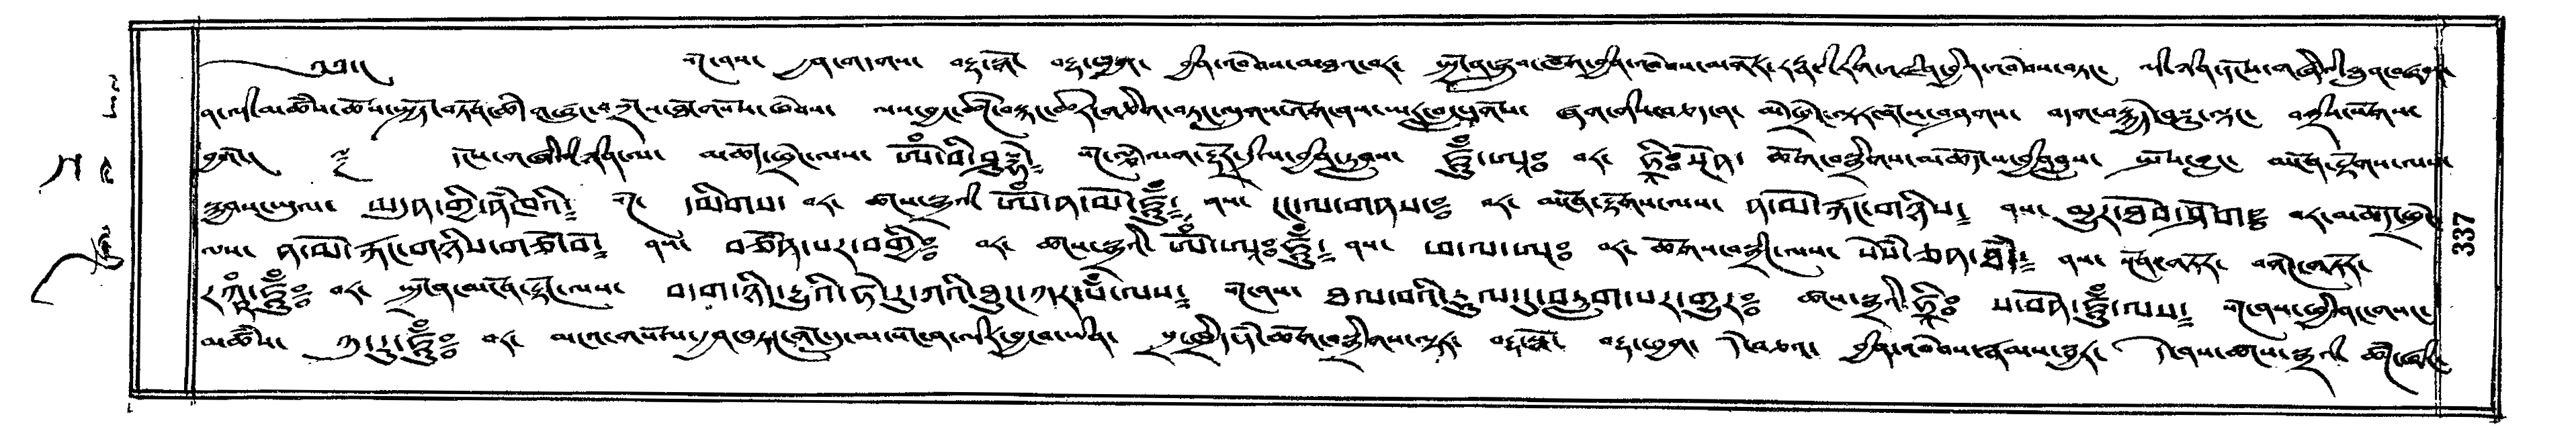སོགས་ནས། རྒྱན་གདགས། བརྡ་སྒོ། བརྡ་ཕྱག བྱིན་འབེབས་མཐའ་བར། སྤྲོ་ན་སྒྲུབ་ཁོག་བྱིན་འབེབས་མགོར། རཏྣའི་རིག་འཛིན་བྱིན་འབེབས་གཏང་། འདི་ཉིན་དངོས་གཞིའི་ཐུན་བཞག་
ན་འདི་མཚམས་ཆོས་སྤྱོད་བཏོན་ཚེ་གཞུང་བསྲོང་ཐོ་གསོས་ལ་ཕེབས། ལས་བྱང་ཚོགས་བསྐང་ཚར་གཅིག་གཏོང་ལུགས་འོག་ནས་ཡར་བླང་དགོས།ཞག་གིས་བཅད་ན། མེ་ཕྲེང་ལྟར་ནོངས་བཤགས། བདག་བསྐྱེད་བསྡུ་ལྡང་། བཀྲ་ཤིས་སོགས་
བྱའོ། དངོས་གཞིའི་ཉིན་ལ། མཆོད་ཕྲེང་ལས། ཨོཾ་བི་ཤུདྡྷེ༴ སོགས་ལྕེ་ལག་རྡོར་དྲིལ་བྱིན་རླབས། ཧཱུྃ་ཨཱཿ བར། ཧྲཱིཿསྔོན༴ ཆོག་བསྒྲིགས་མཆོད་པ་བྱིན་རླབས། སྤོས་ཕྱུུང་། མངོན་རྟོགས་ལས་
སྐྱབས་ཡུལ། མདུན་གྱི་ནམ་མཁའི༴ སོགས། དམིགས༔ བར། ཚངས་སྒྲའི། ཨོཾ་ན་མོ་ཧཱུྃ༴ ནས། ངང་ལ་གནས༔ བར། མངོན་རྟོགས་ལས། ན་མོ༔རྐང་གཉིས༴ ནས། མྱུར་ཐོབ་ཤོག༔ བར། མཆོད་ཕྲེང་
ལས། ན་མོ༔རྐང་གཉིས་གཙོ་བོ༴ ནས། བཙོན་པར་གྱི༔ བར། ཚངས་སྒྲའི། ཨོཾ་ཨཱཿཧཱུྃ༴ ནས། ཕ་ལ་ཨཱཿ བར། ཚོགས་བསྒྲིགས་ལས། སེམས་ཅན་ཐམས་ཅད༴ ནས། སྔོན་གཏོར། བགེགས་གཏོར། 
རཀྵཾ་ཧཱུྃ༔ བར། སྤྲོ་ན་མངོན་རྟོགས་ལས། བདག་ཉིད་རྒྱུའི་ཧེ་རུ་ཀའི་ཐུགས་ཀར་པྃ་ལས༴ སོགས་ནས། ཐལ་བའི་རྡུལ་དུ་བརླག་པར་གྱུར༔ ཚངས་སྒྲའི། ཧྲཱིཿ ས་བོན་ཧཱུྃ་ལས༴ སོགས་ནས་ཕྱི་ནང་གསང་
མཚམས། ཀུ་རུ་ཧཱུྃ༔ བར། མངའ་གསོལ་རྒྱན་བཏགས་གོང་དུ་མ་སོང་ན་འདིར་བྱ་བ་ཡིན། པྲ་ཁྲིད་དམ་ཆོག་བསྒྲིགས་ལྟར། བརྡ་སྒོ། བརྡ་ཕྱག དམ་བཅའ། བྱིན་འབེབས་རྣམས་སྦྱར། དེ་ནས་ཚངས་སྒྲའི། ཚོགས་ཞིང་།